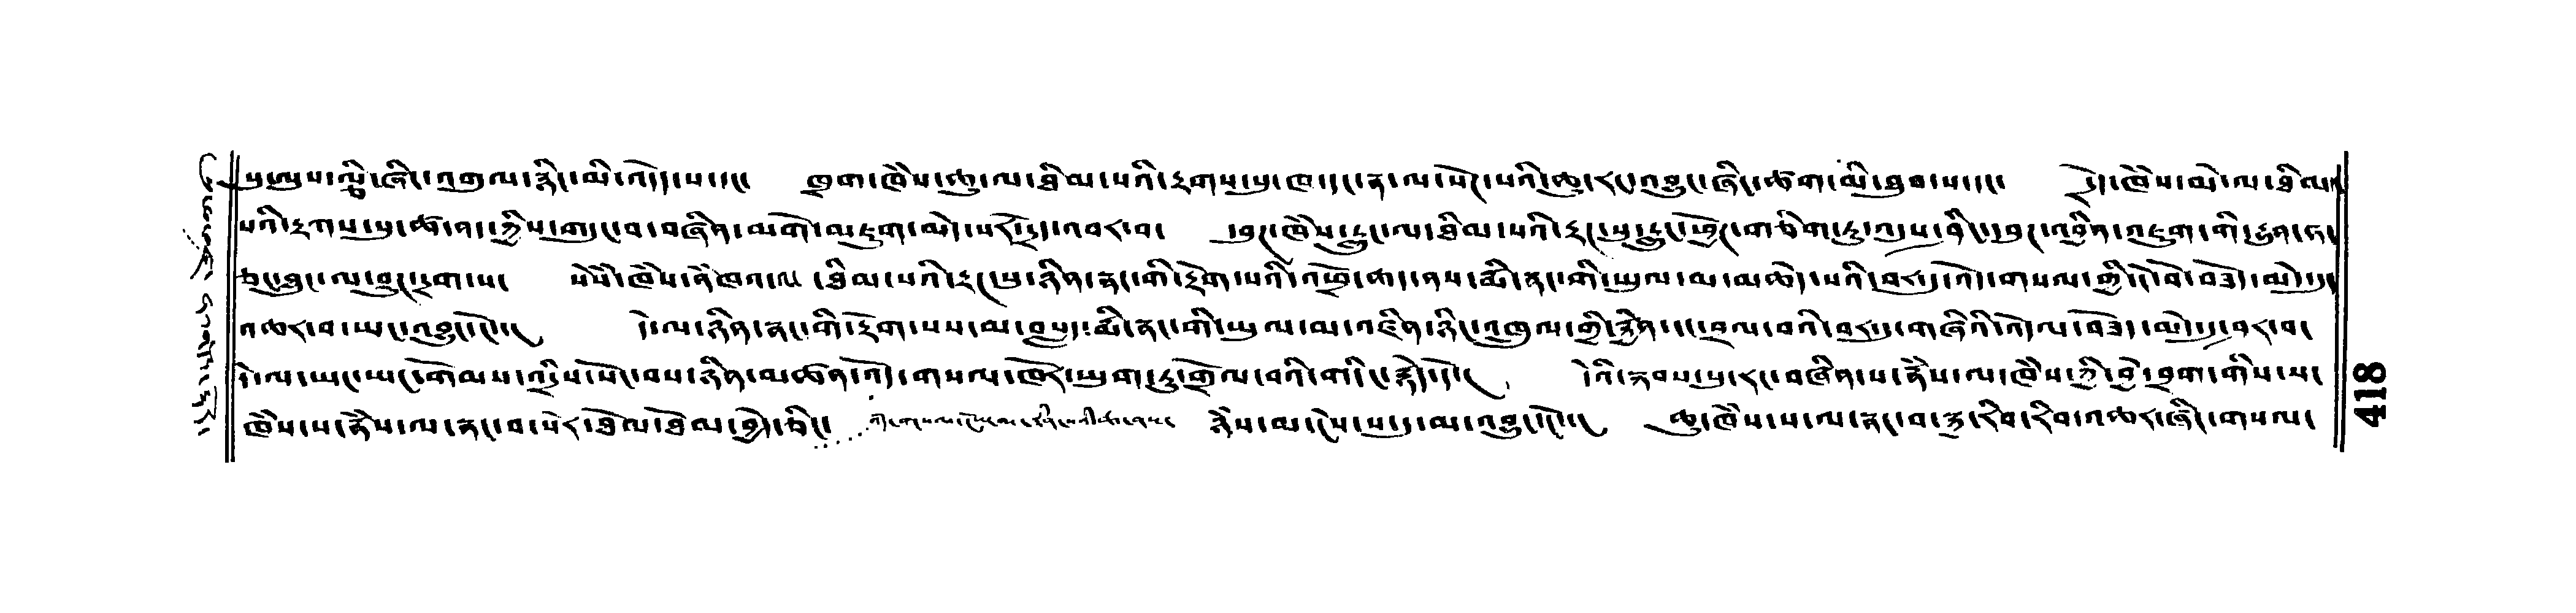སུ་ལུས་ལྕི་ཞིང་འགུལ་སྙིང་མི་འདོད་པ་དང་། ཁྲག་ཁམས་ཆུ་ལ་ཐིམ་པའི་རྟགས་སུ་ཁ་དང་སྣ་ལ་སོགས་པའི་ཆུ་རང་འབྱུང་ཞིང་ཚགས་མི་ཐུབ་པ་དང་། དྲོད་ཁམས་མེ་ལ་ཐིམ་
པའི་རྟགས་སུ་ཚ་ནད་ཀྱིས་གདུང་བ་བཞིན་མགོ་མཇུག་མེད་པར་དྲོད་འབར་བ། དབུགས་ཁམས་རླུང་ལ་ཐིམ་པའི་རྟགས་སུ་རླུང་ཕྱོགས་གཅིག་ཏུ་འདུས་ཤིང་དབུགས་འབྱིན་འཇུག་གི་རྒྱུན་ཧ་
ཅང་ཐུང་ལ་ཤུགས་དྲག་པ། སེམས་ཁམས་ནམ་མཁའ་ལ་ཐིམ་པའི་རྟགས་སུ་ཉིན་སྣང་གི་རྟོག་པའི་འཕྲོ་ཆད་ནས་རྨི་སྣང་གི་ཡུལ་མ་མཆེད་པའི་བར་དུ་འོད་གསལ་གྱི་ངོ་བོ་བཟོད་མེད་དུ་
འཆར་བ་ཡང་འབྱུང་ངོ་། དེ་ལ་ཉིན་སྣང་གི་རྟོག་པས་མ་བསླད་རྨི་སྣང་གི་ཡུལ་མ་འཛིན་ཉིང་འཁྲུལ་གྱི་རྐྱེན་དང་བྲལ་བའི་བར་དུ་གཞིའི་འོད་གསལ་བཟོད་མེད་དུ་ཤར་བ་
དེ་ལ་ཡང་ཡང་གོམས་འདྲིས་སོང་བས་ཉིན་མཚན་འོད་གསལ་ཁོར་ཡུག་ཏུ་གྲོལ་བའི་གདིང་རྙེད་དོ། དེའི་སྐབས་སུ་རང་བཞིན་པ་རྣམས་ལ་ཁམས་ཀྱི་བྱེ་བྲག་གིས་ས་
ཁམས་པ་རྣམས་ལ་སྣང་བ་སེར་ཐོམ་ཐོམ་བྱེད་ཅིང་ཉམས་མ་ངེས་པ་དུ་མ་འབྱུང་ངོ་། ཆུ་ཁམས་ས་ལ་སྣང་བ་སྐྱ་རིབ་རིབ་འཆར་ཞིང་གསལ་